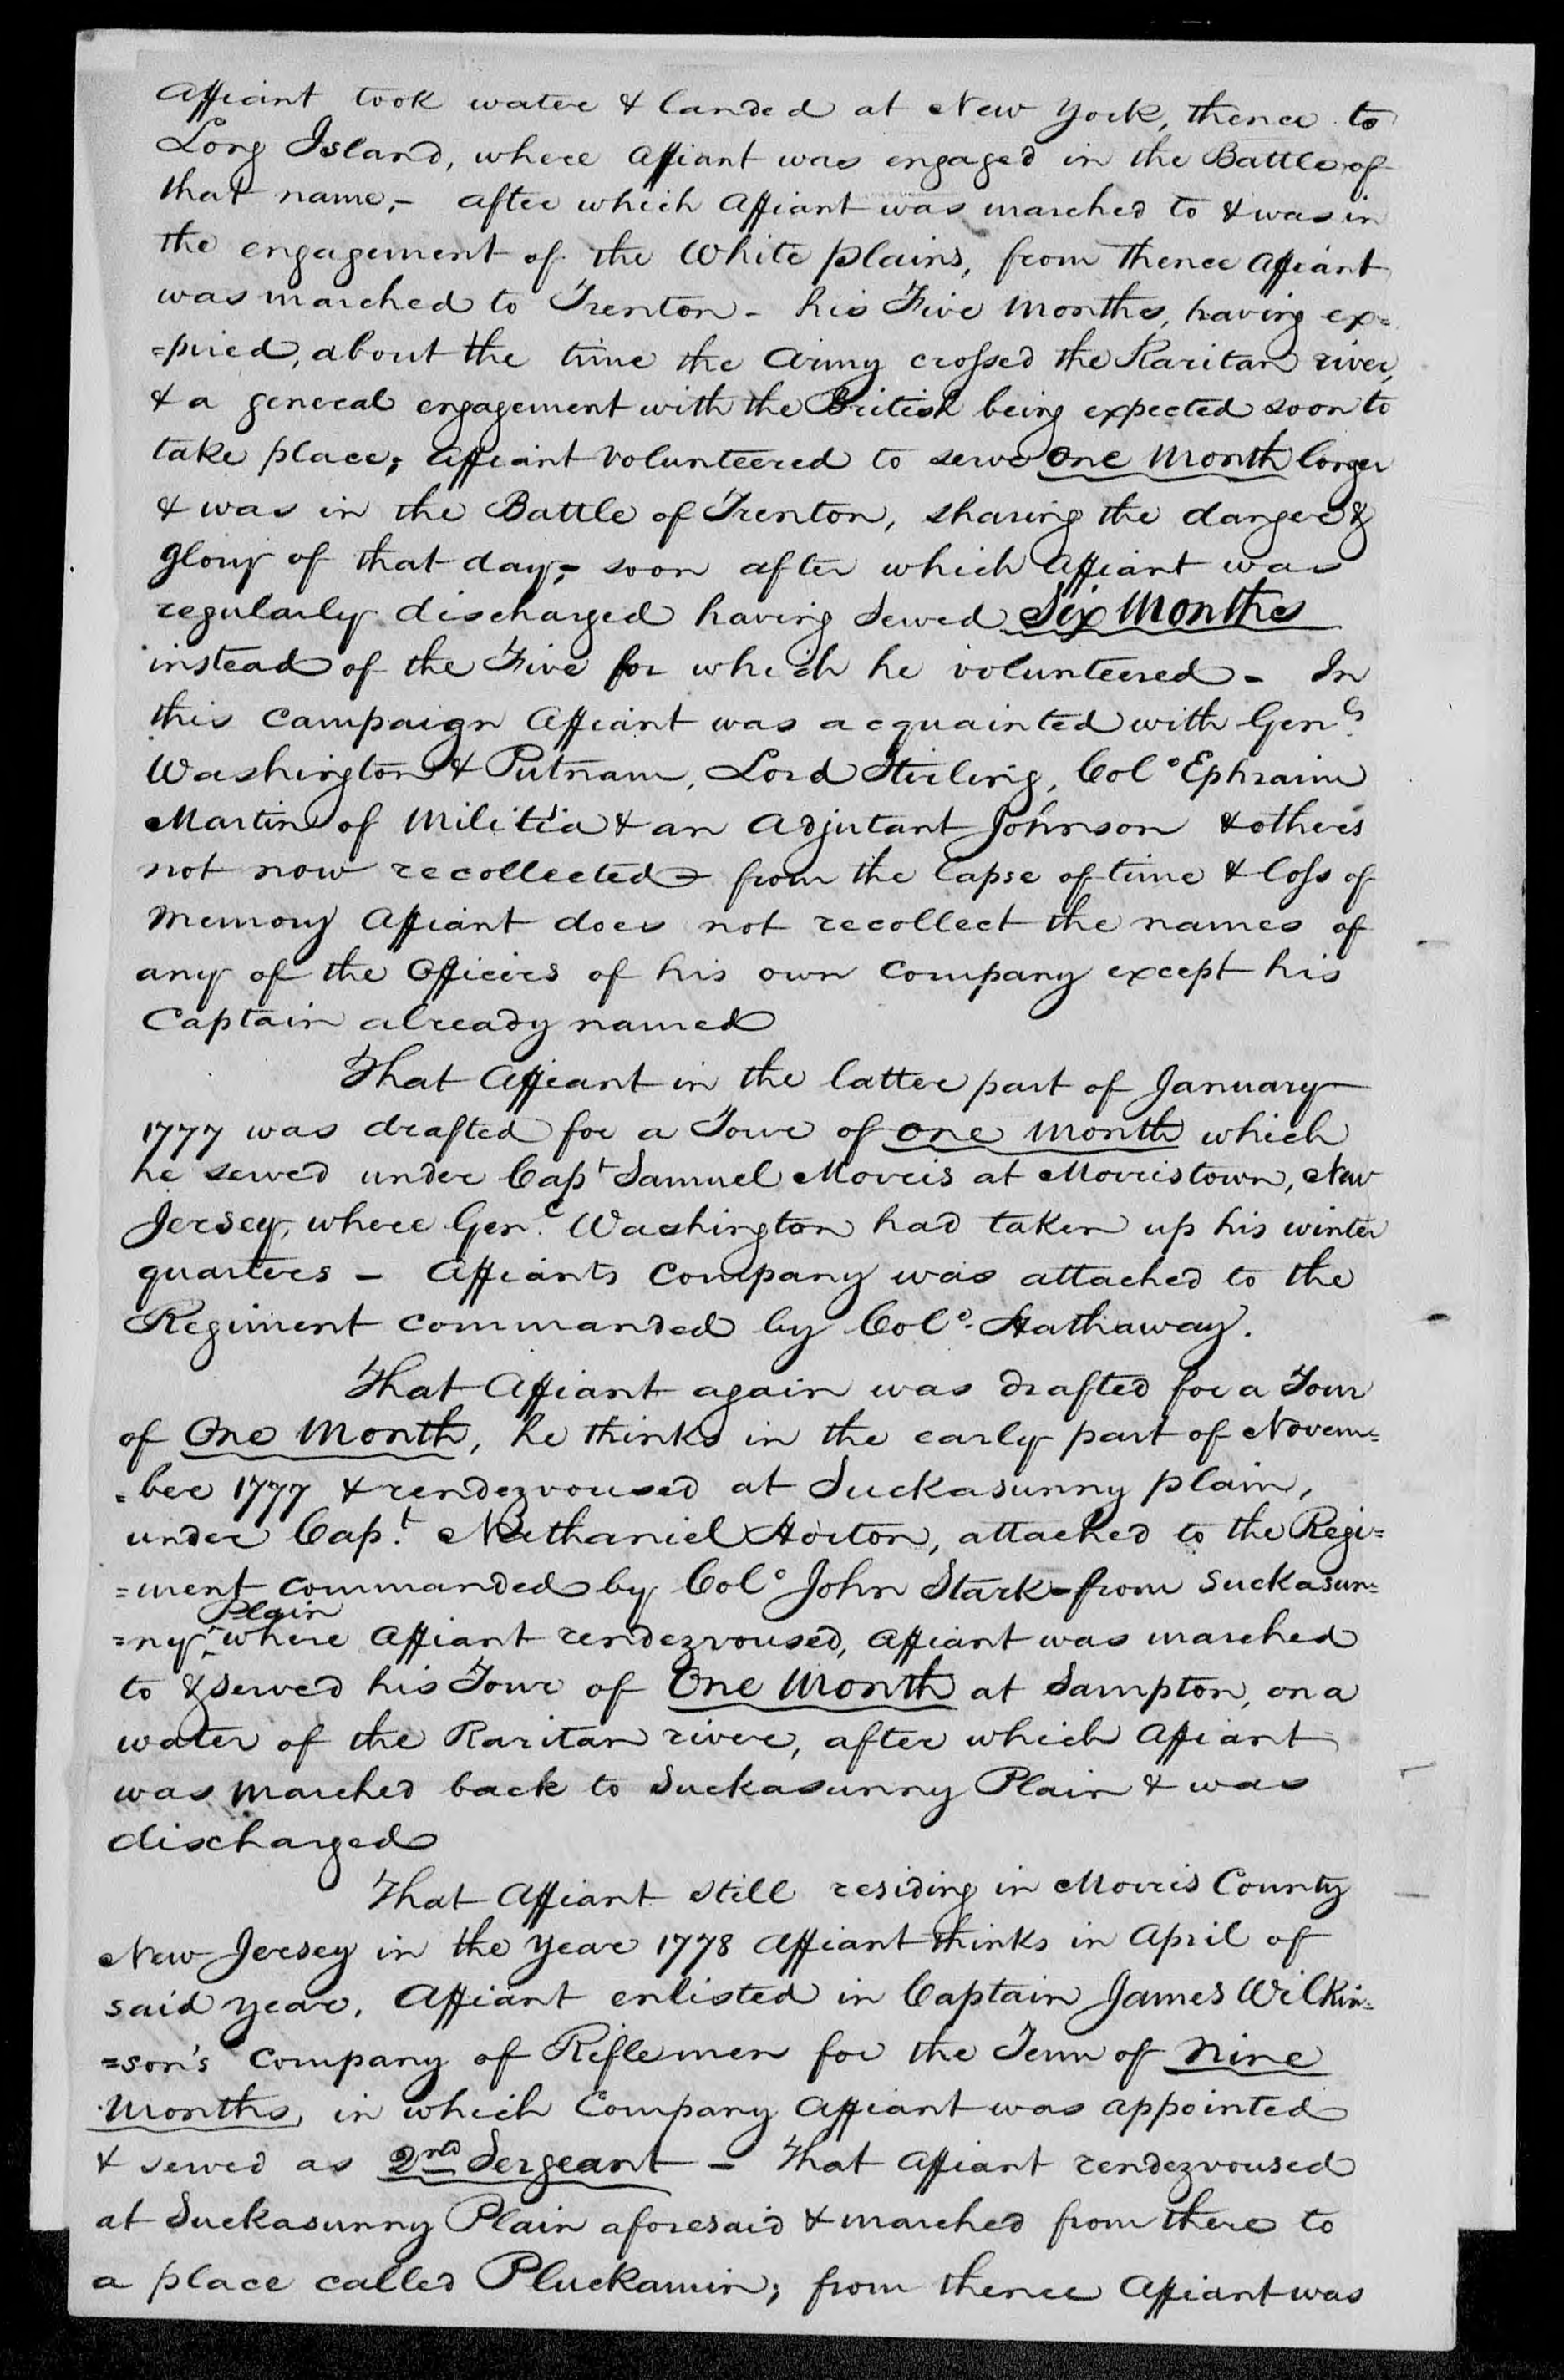affiant took water & landed at New York thence to Long Island where affiant was engaged in the Battle of that name - after which affiant was marched to & was in the engagement of the White Plains, from thence affiant was marched to Trenton - his five months having expired, about the time the army crossed the Raritan River & a general engagement with the British being expected soon to take place, affiant volunteered to served one month longer & was in the battle of Trenton, sharing the danger & glory of that day - soon after which affiant was regularly discharged having served six months instead of the five for which he volunteered. In this campaign affiant was acquainted with Gen Washington & Putnam, Lord Stirling, Col Ephraim Martin of Militia & an Adjutant Johnson & others not now recollected - from the lapse of time & loss of memory affiant does not recollect the names of any of the officers of his own company except his captain already named.

That affiant in the latter part of January 1777 was drafted for a tour of one month which he served under Capt. Samuel Movies at Morristown New Jersey where Gen Washington had taken up his winter quarters - affiant's company was attached to the regiment commanded by Col. Hathaway.

That affiant again was drafted for a tour of one month he thinks in the early part of November 1777 & rendezvoused at Succasunna Plain under Capt. Nathaniel Horton attached to the Regiment commanded by Col. John Stark - from Succasunna Plain where affiant rendezvoused, affiant was marched to & served his tour of one month at Sampton on a water of the Raritan River after which affiant was marched back to Succasunna Plain & was discharged.

That affiant still residing in Morris County New Jersey in the year 1778 affiant thinks in April of said year, affiant enlisted in Captain James Wilkinson's company of Riflemen for the term of nine months in which company affiant was appointed & served as 2nd Sergeant - that affiant rendezvoused at Succasunna Plain aforesaid & marched from there to a place called Pluckamin form thence affiant was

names: Samuel Morris, Nathaniel Horton, Washington, Putnam, Lord Stirling, Washington, John Stark, Ephraim Martin, Hathaway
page: 3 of 35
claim: rejected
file: R. 2066, William Clutter, New Jersey